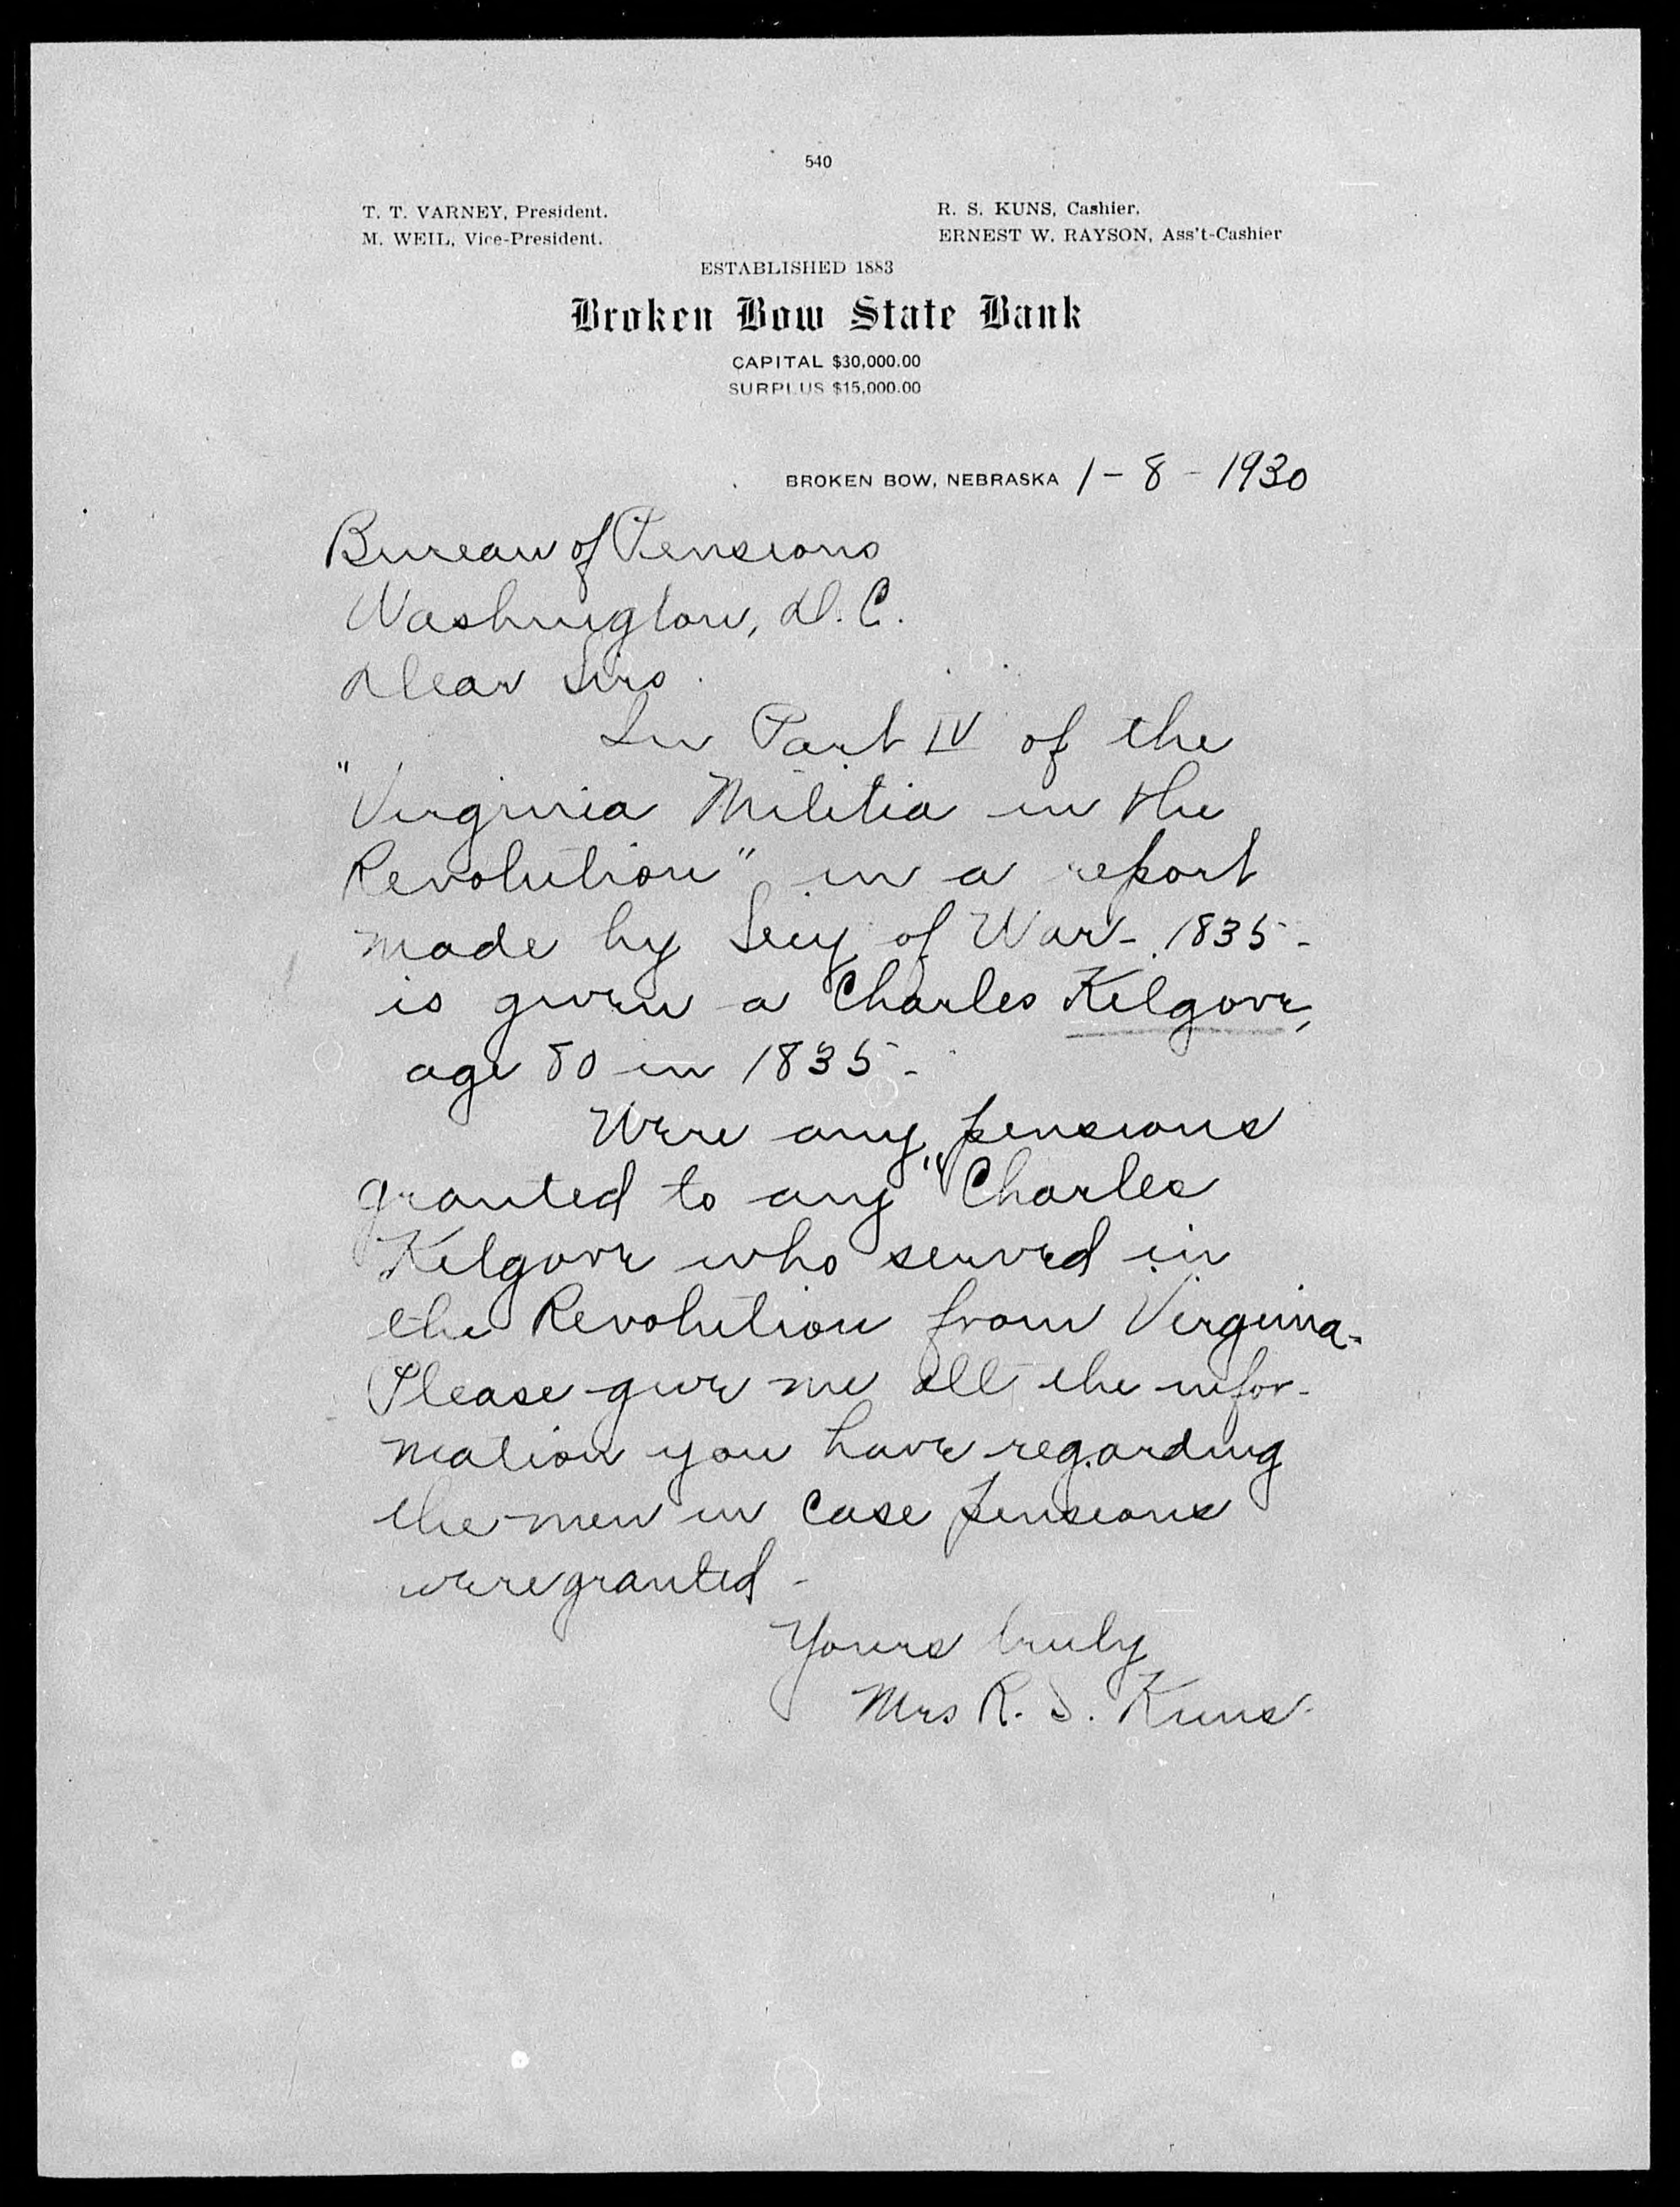540
T. T. VARNEY, President.
M. WEIL, Vice-President.
R. S. KUNS, Cashier.
ERNEST W. RAYSON, Ass't Cashier
ESTABLISHED 1883
Broken Bow State Bank
CAPITAL $30,000.00
SURPLUS $15,000.00
BROKEN BOW, NEBRASKA 1-8-1930

Bureau of Pensions
Washington, D.C.
Dear Sirs
In Part IV of the "Virginia Militia in the
Revolution" in a report made by Secy of War - 1835 - is given a Charles Kilgore,
age 80 in 1835.
Were any pensions granted to any "Charles Kilgore who served in the Revolution from Virginia. Please give me all the information you have regarding
the men in case pensions were granted
Yours truly
Mrs R. S. Kuns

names: T T Varney; Charles Kilgore; R S Kuns; M Well; Ernest W Rayson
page: 37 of 115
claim: survivor's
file: S. 699, for Charles Kilgore, Virginia